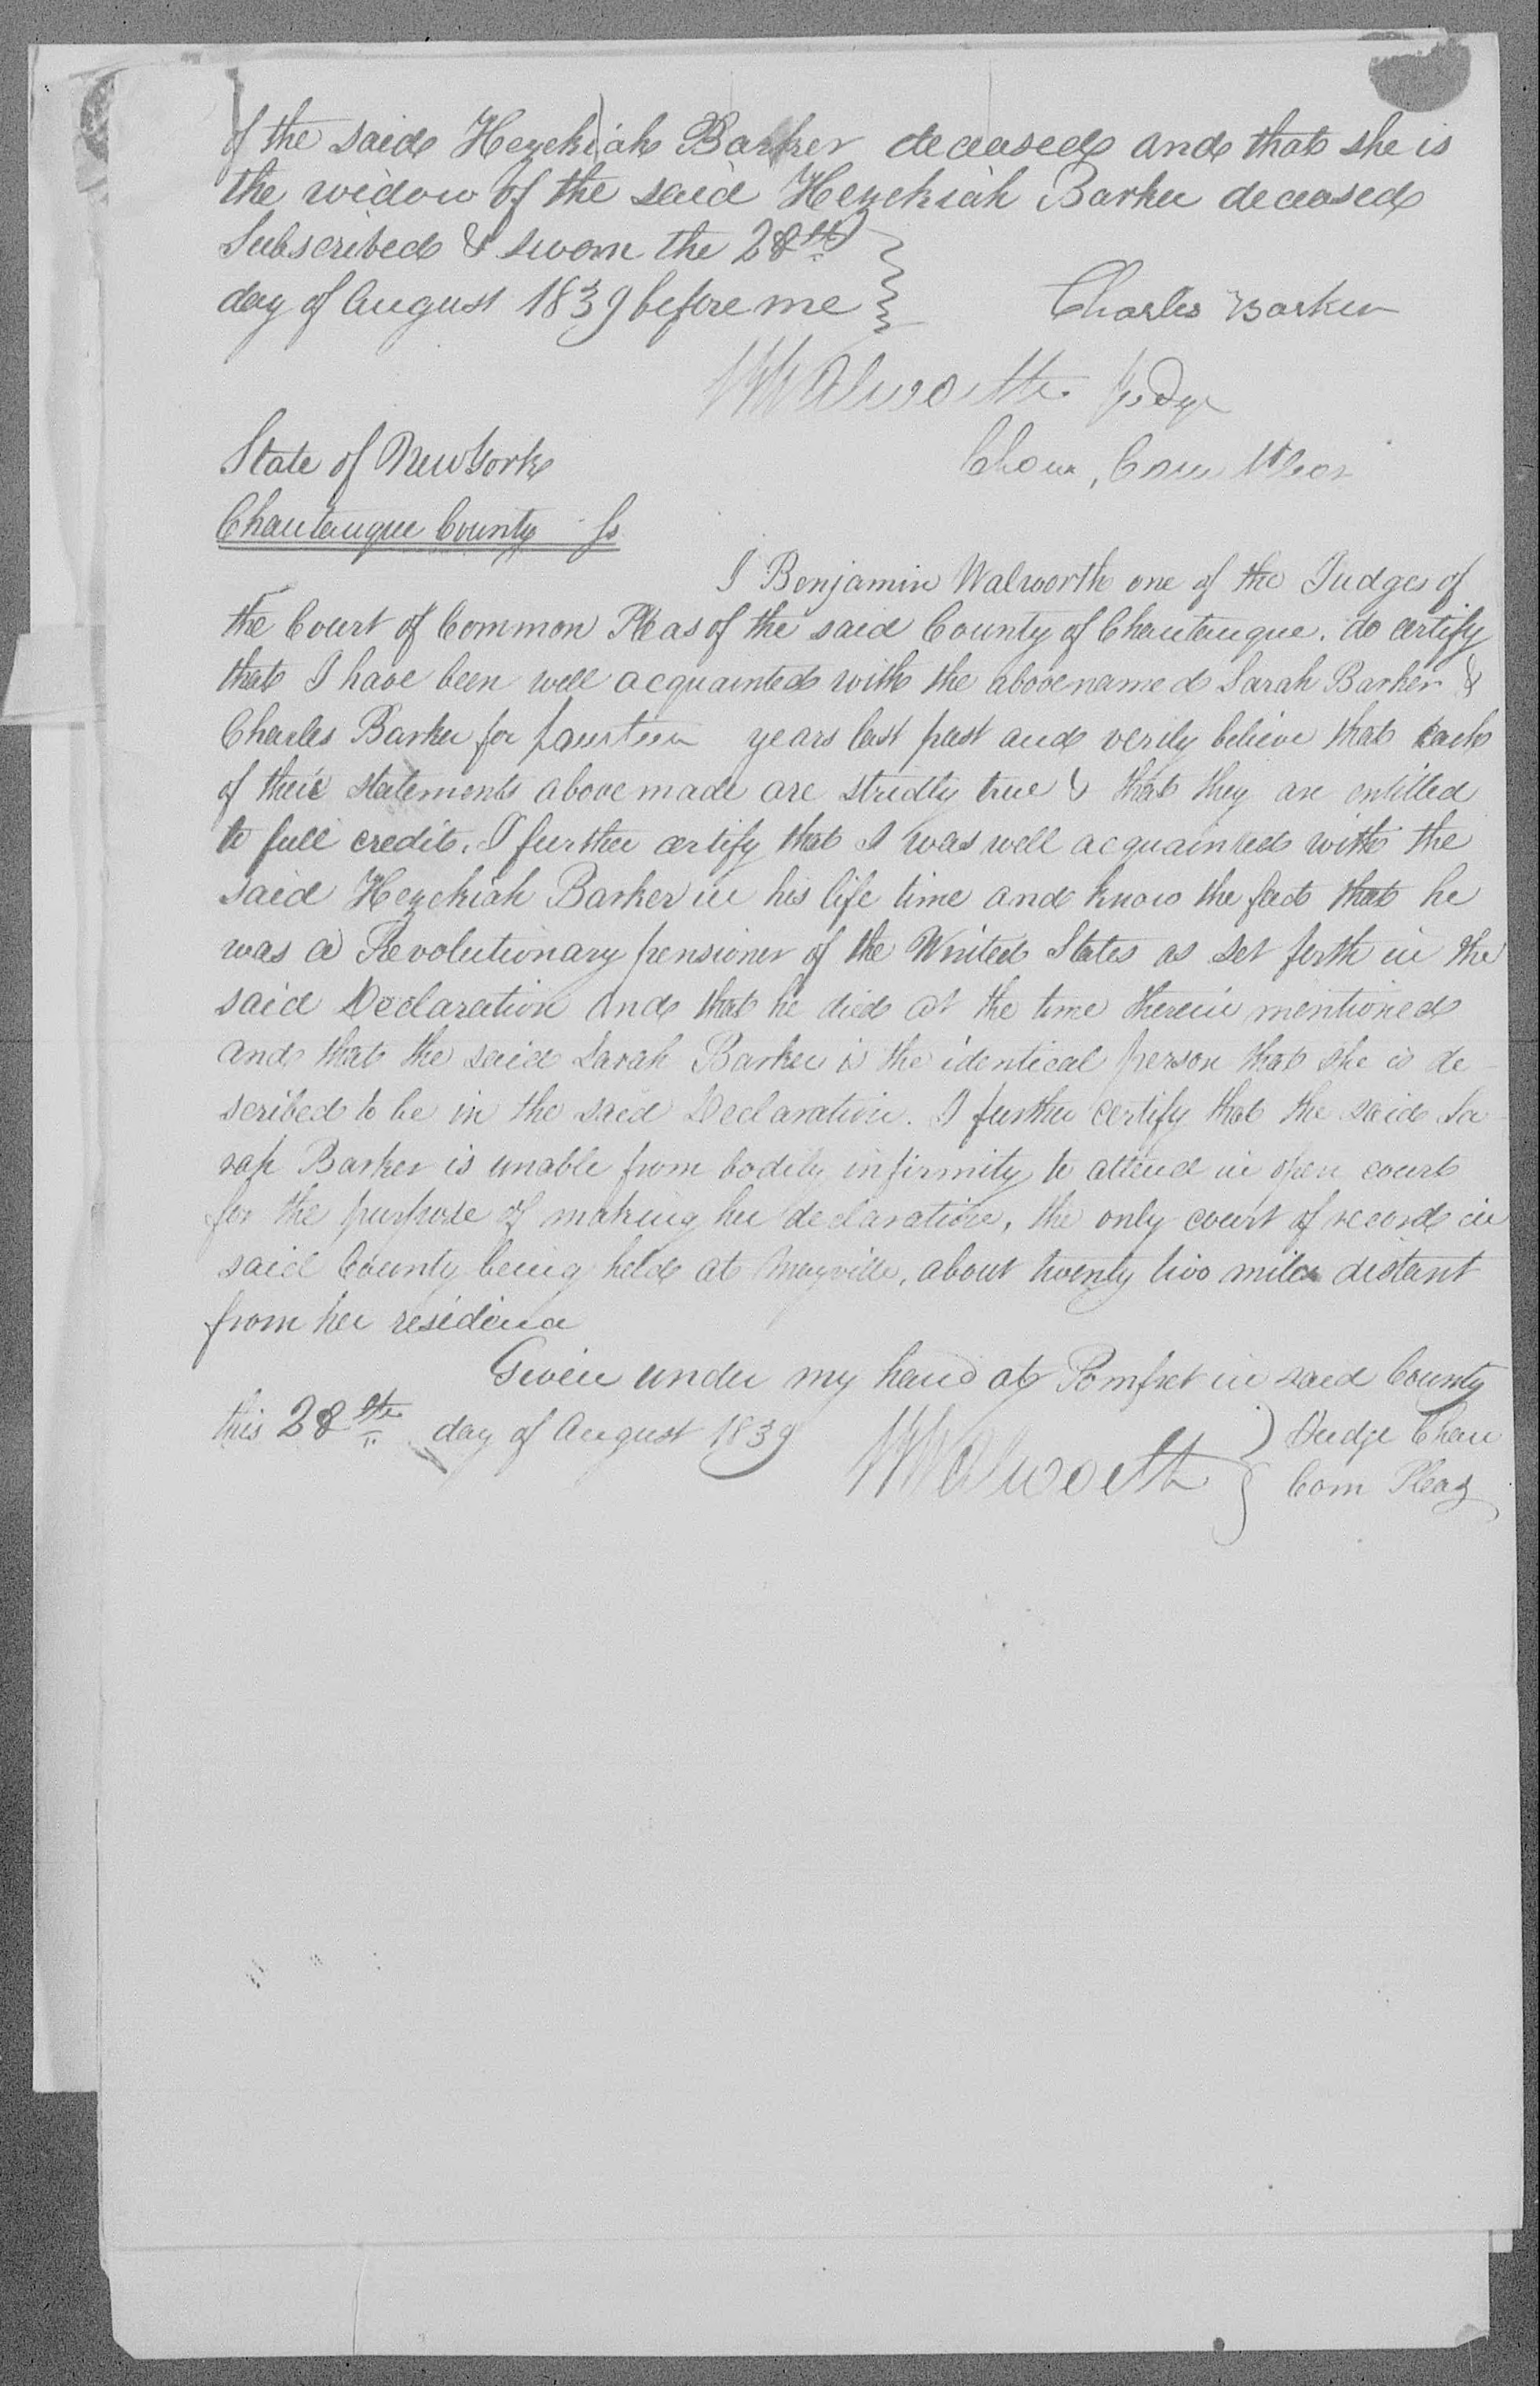Of the said Hezekiah Barker deceased and that she is the widow of the said Hezekiah Barker deceased.
Charles Barker
Subscribed & sworn the 28th day of August 1839 before me} 
B Walworth Judge
[illegible]
State of New York
Chautauqua County Ss
I Benjamin Walworth one of the Judges of the Court of Common Pleas of the said County of Chautauqua, do certify that I have been well acquainted with the above named Sarah Barker & Charles Barker for fourteen years last past and verily believe that each of their statements above made are strictly true & that they are entitled to full credit.  I further certify that I was well acquainted with the said Hezekiah Barker in his life time and know the fact that he was a Revolutionary pensioner of the United States as set forth in the said Declaration and that he did at the time therein mentioned and that the said Sarah Barker is the identical person that she is described to be in the said Declaration.  I further certify that the said Sarah Barker is unable from bodily infirmity to attend in open court for the purpose of making her declaration, the only court of record in said County being held at Mayville, about twenty two miles distant from her residence.
Given under my hand at Pomfret in said County this 28th day of August 1839.
B Walworth} Judge Chau. Com Pleas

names: Sarah Barker, Hezekiah Barker, Charles Barker, Benjamin Walworth, B Walworth, Sarah Barker, B Walworth, Hezekiah Barker, Sarah Barker, Hezekiah Barker, Charles Barker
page: 10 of 52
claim: widow's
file: W. 18,565, Hezekiah Barker, Continental R.I.